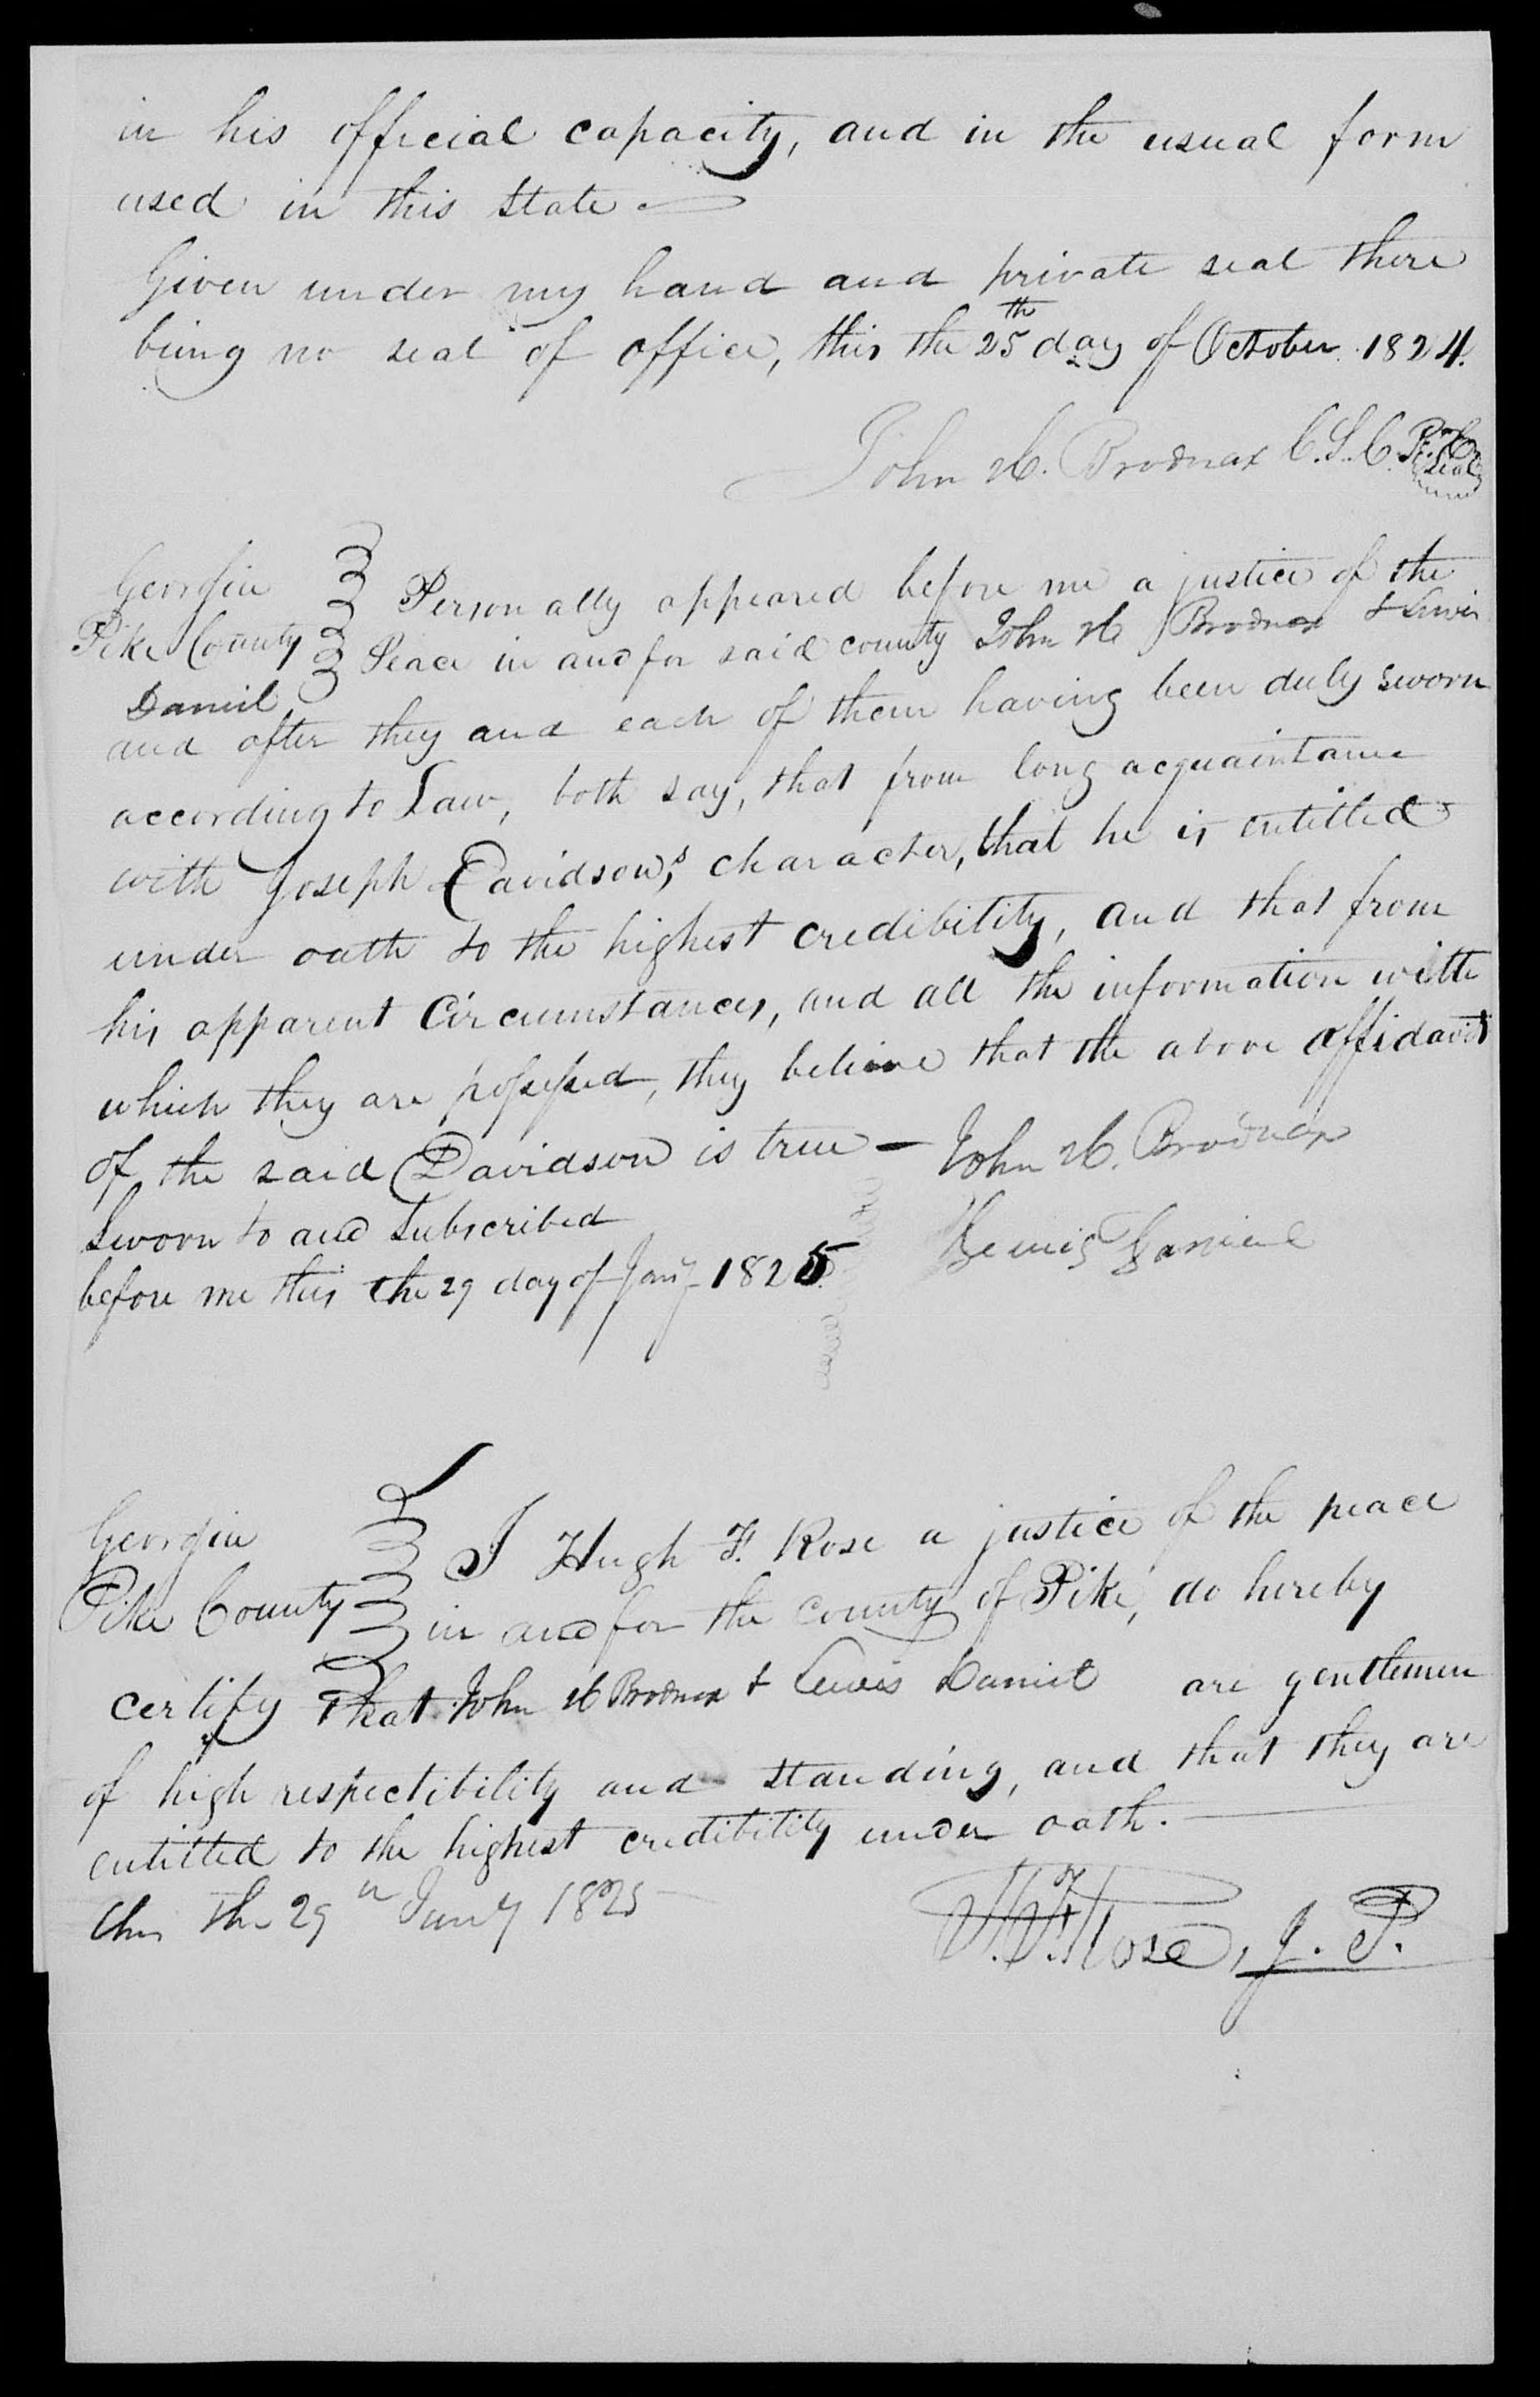in his official capacity, and in the usual form used in this State. Given under my hand and private seal there being no seal of office, this the 25th day of October 1824.
John H. Brodnax C.L.C.P.C Seal 

Georgia Pike County, Daniel}
Personally appeared before me a justice of the Peace in and for said county John H. Brodnax  and Lewis Daniel after they and each of them having been duty sworn according to Law, both say, that from long acquaintance with Joseph Davidson's character, that he is entitled under oath to the highest credibility, and that from his apparent circumstances, and all the information with which they are possessed, they believe that the above affidavit of the said Davidson is true-

Sworn to and Subscribed before me this the 29 day of Jany [January] 1825
John H. Brodnax [signature]
Lewis Daniel [signature]

Georgia Pike County}
I, Hugh F. Rose a justice of the peace in and for the county of Pike, do hereby certify that John H. Brodnax and Lewis Daniel are gentlemen of high respectibility and standing, and that they are entitled to the highest credibility under oath.- this the 29th of Jany [January] 1825.
 H. F. Rose, J. B. [Signature/initials]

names: Joseph Davidson, Lewis Daniel, John H Brodnax, John H Brodnax, Davidson, Hugh F Rose, John H Brodnax, H F Rose, Lewis Daniel, John H Brodnax, Lewis Daniel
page: 4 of 63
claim: widow's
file: W. 4175, Joseph Davidson, N.C.